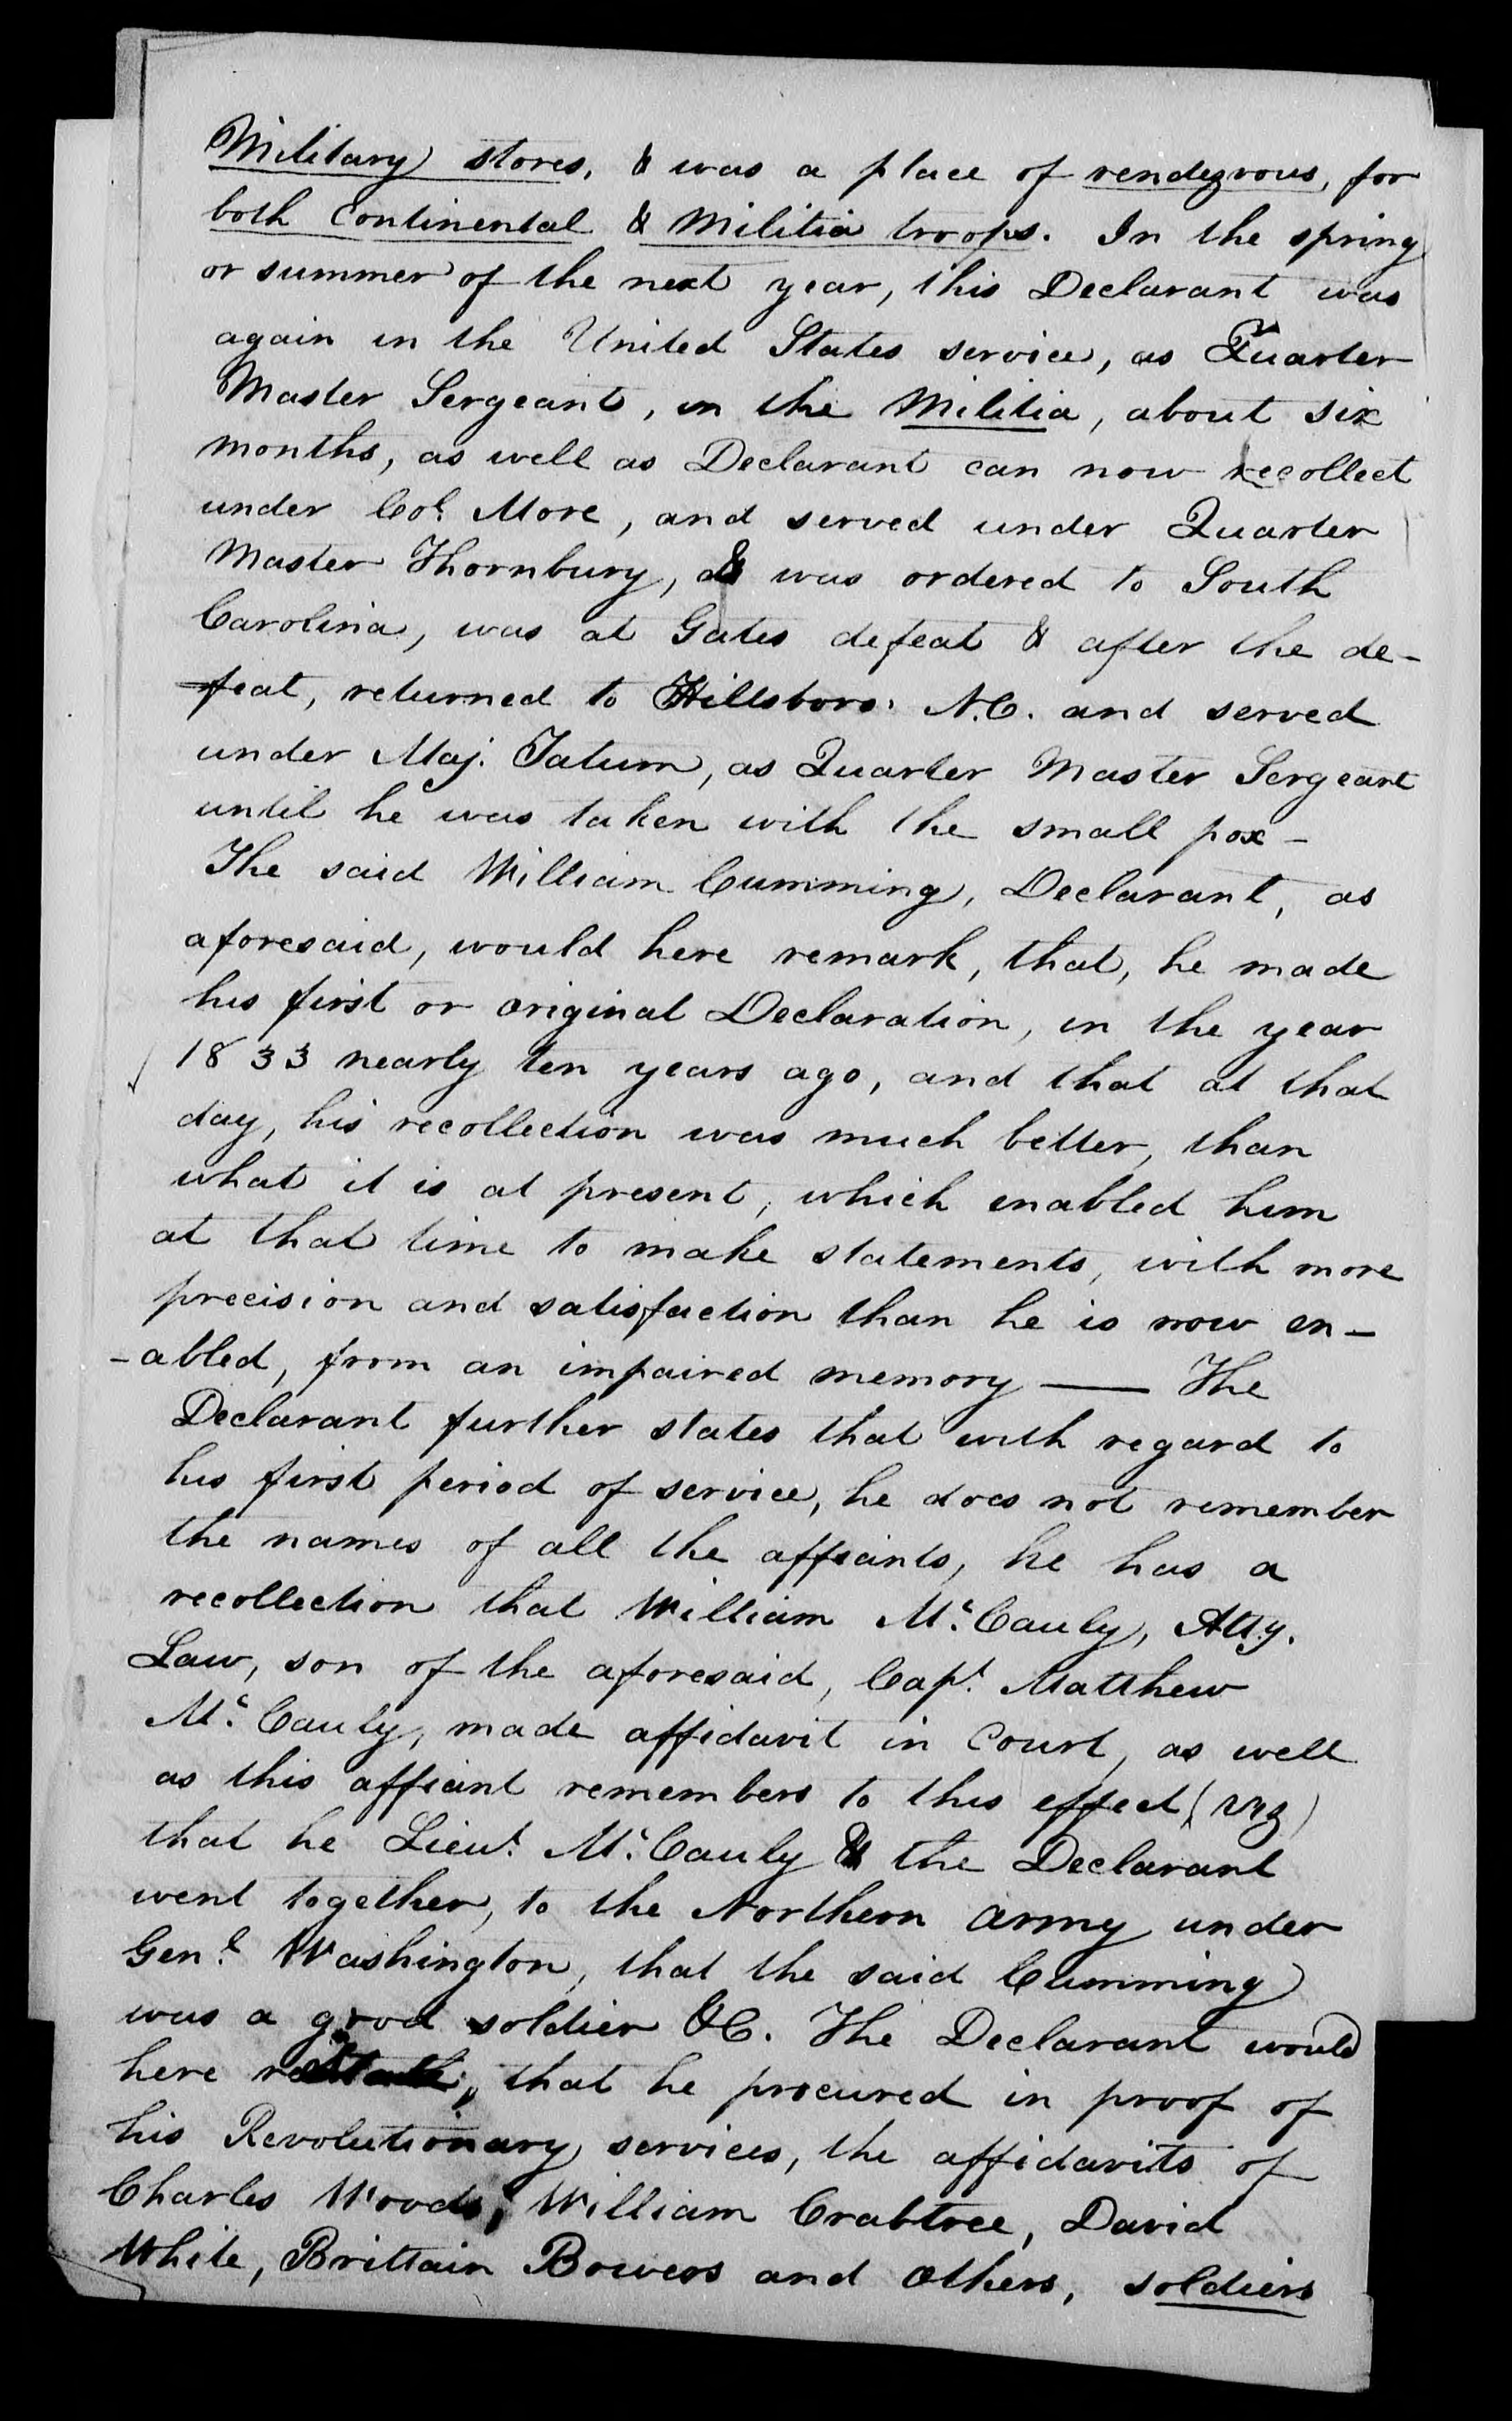[Second page of handwritten account.  This appears to be the second page of William Cumming's 16 Jan 1843 new Declaration. Occasional spacing has been included to make the long text block easier to read.]

[Here the next two words are underlined:] Military stores, and was a place of [the next word is underlined] rendezvous, for [here the next five words are underlined:] both Continental and Militia troops. 

In the spring or summer of the next year, this Declarant was again in the United States service, as Quarter Master Sergeant, in the [here the next word is underlined] Militia, about six months, as well as Declarant can now recollect under Col. [Colonel]  More, and served under Quarter Master Thornbury, [here the next word was overwritten, but appears to be:] and was ordered to South Carolina, was at Gates defeat and after the defeat, returned to Hillsboro. N.C. and served under Maj. Tatum, as Quarter Master Sergeant until he was taken with the small pox - 

The said William Cumming, Declarant, as aforesaid, would here remark, that, he made his first or original Declaration, in the year 1833 nearly ten years ago, and that at that day, his recollection was much better, than what it is at present, which enabled him at that time to make statements, with more precision and satisfaction than he is now enabled, from an impaired memory ____

The Declarant further states that with regard to his first period of service, he does not remember the names of all the [?] affiants, he has a recollection that William McCauly, Atty. [Attorney of] Law, son of the aforesaid, Capt. Matthew MCauly, made affidavit in Court, as well as this affiant remembers to this effect, (viz) that he Lieut. [Lieutenant] McCauly and the Declarant went together, to the Northern army under Genl. [General] Washington, that the said Cumming was a good soldier &c. [and etcetera.]

The Declarant would here [at this spot an earlier word, perhaps "remark" was overwritten, with the final word appearing to be:] State, that he procured in proof of his Revolutionary services, the affidavits of Charles Woods, William Crabtee, David White, Brittain Bowers and others, [here the following word is underlined:] soldiers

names: Brittain Bowers, Cumming, Tatum, David White, William Crabtree, Matthew Mc Cauly, Charles Woods, William Mc Cauly, William Cumming, Mc Cauly, Atty Law, Washington, More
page: 102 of 145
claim: survivor's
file: S. 8265, William Cumming, N.C.